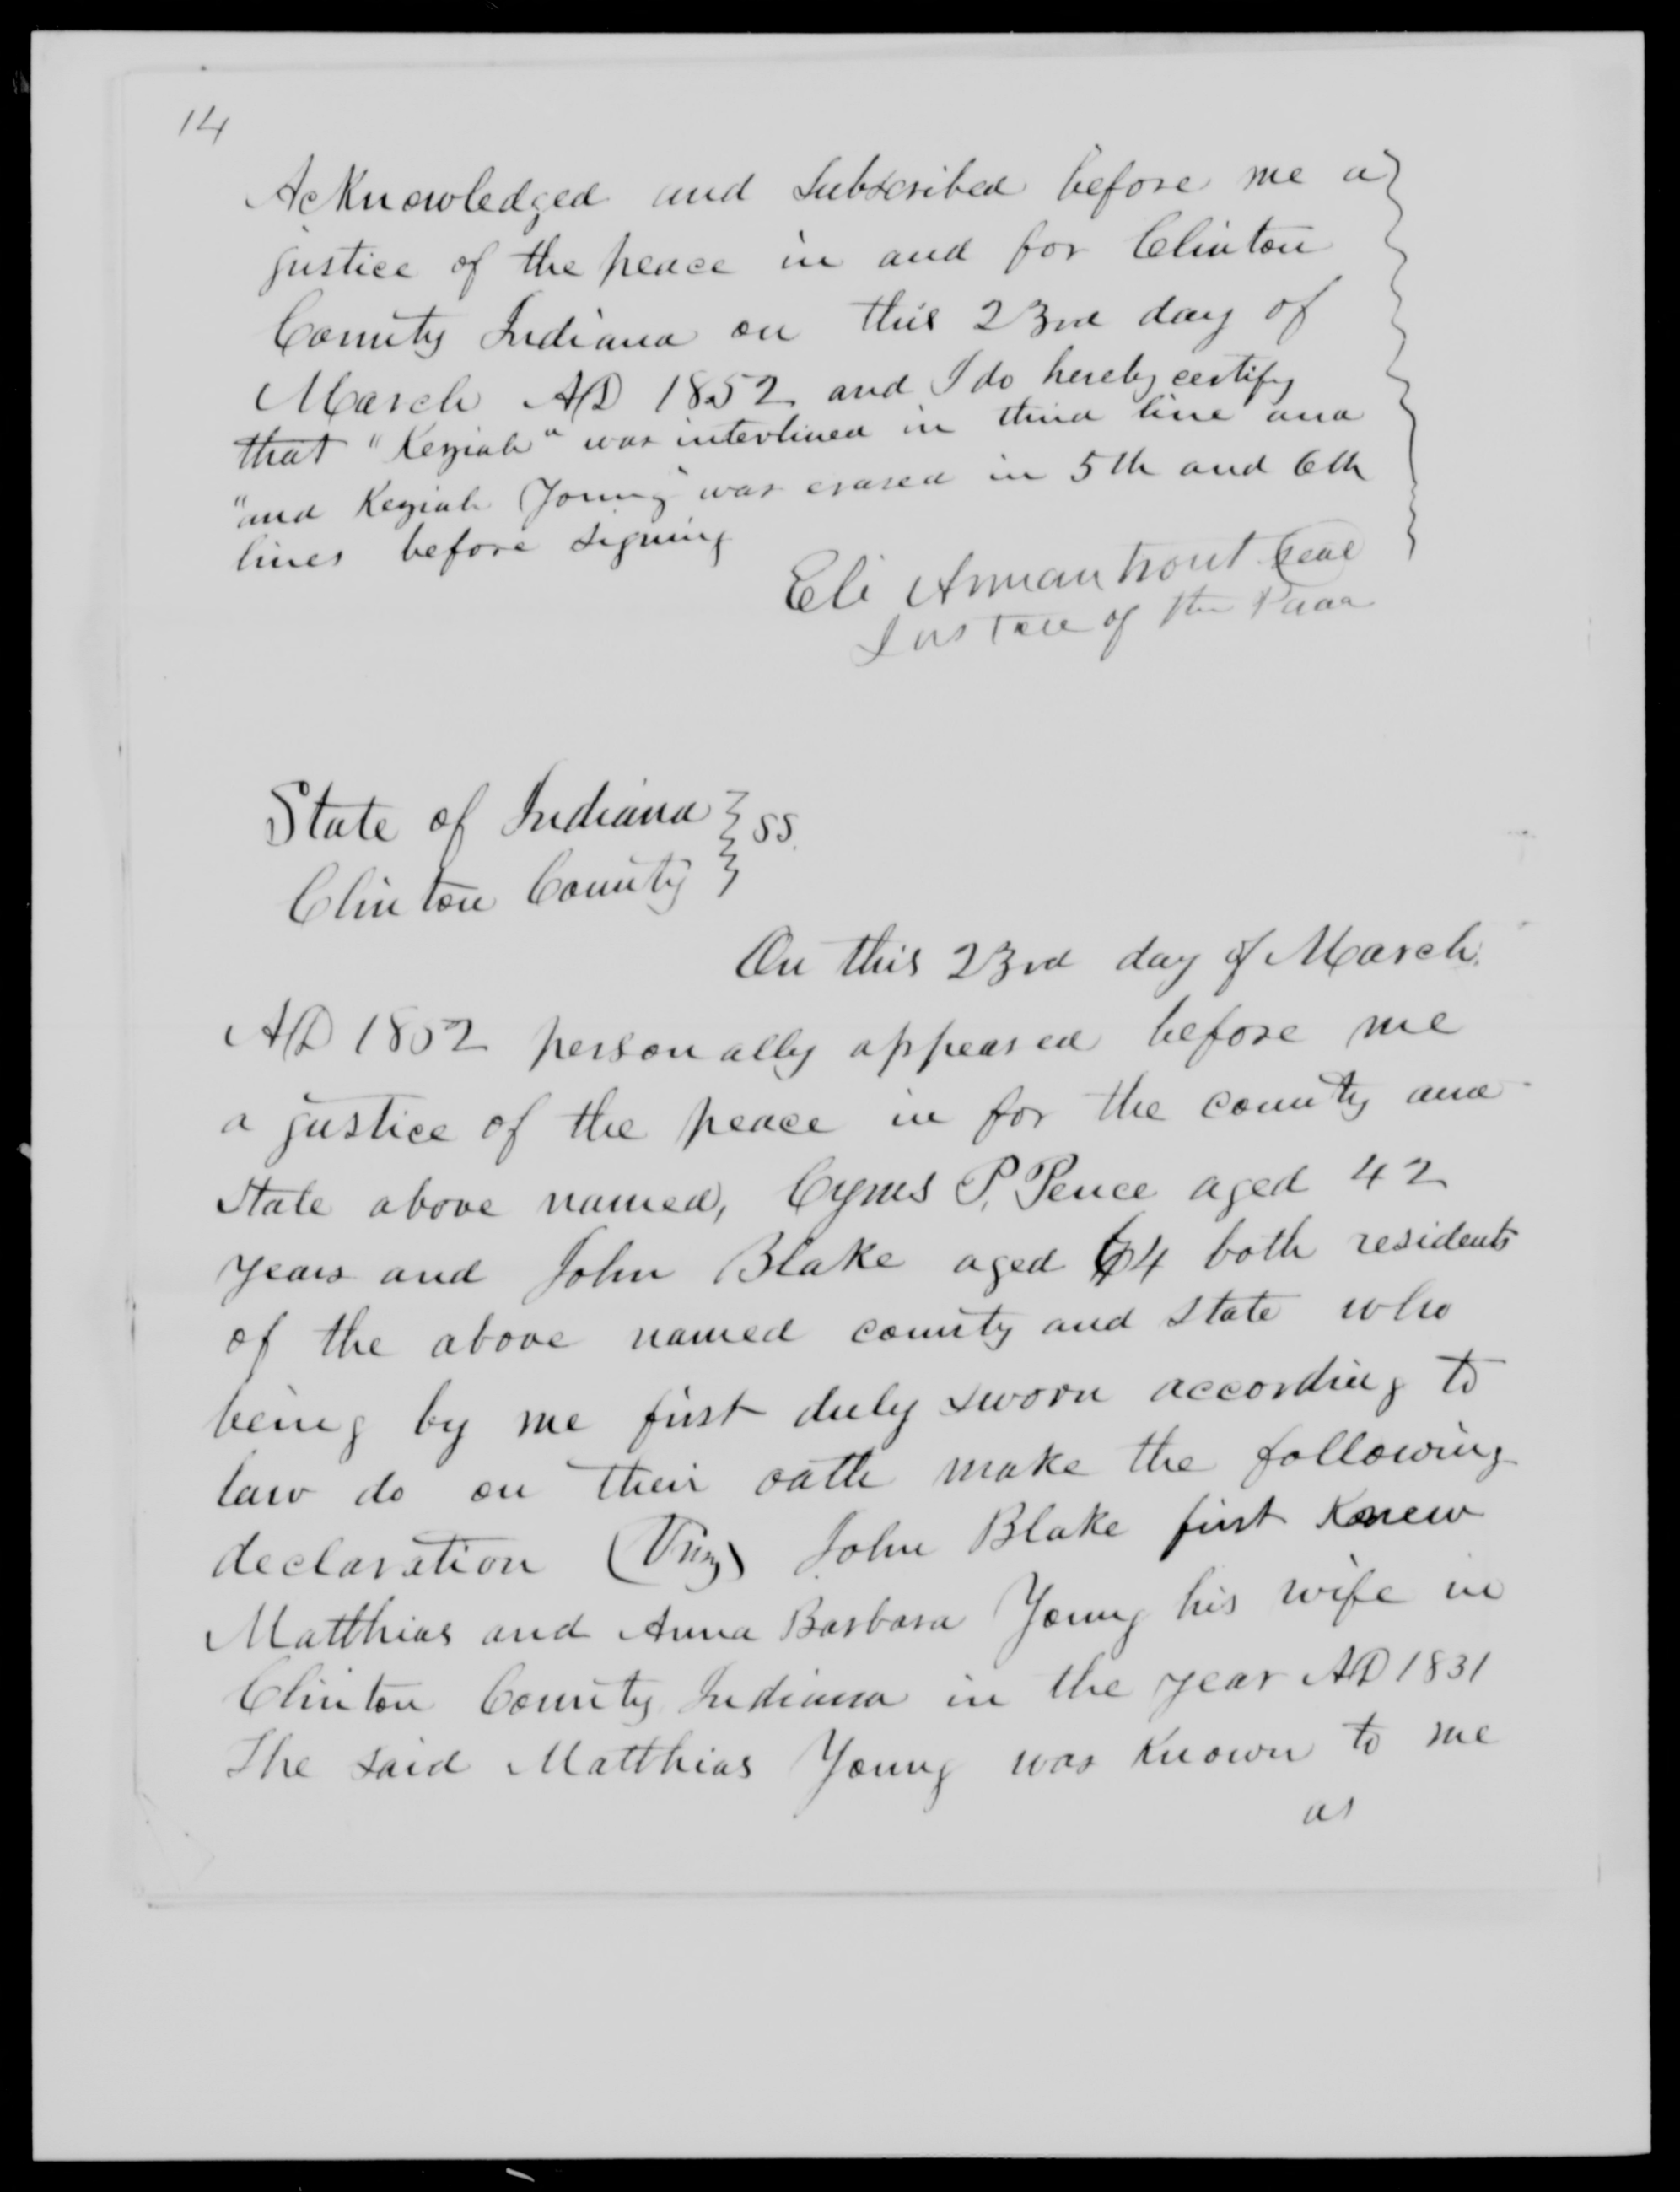14
Acknowledged and subscribed before me a
justice of the peace in and for Clinton
County Indiana on this 3rd day of
March AD 1852 and I do hereby certify
that “Keziah” was interlined in third line and
“and Keziah Young” was erased on 5th and 6th
lines before signing.
Eli Armantrout (Seal)
Justice of the Peace

State of Indiana  Clinton County ss
On this 3rd day of March
AD 1802 personally appeared before me
a justice of the peace in [&] for the County and
State above named, Cyrus P. Pence aged 42
years and John Blake aged 64 both residents
of the above named county and State who
being by me first duly sworn according to
law do on their oath make the following
declaration (viz.) John Blake first knew
Matthias and Anna Barbara Young his wife in
Clinton County Indiana in the year AD 1831.
The said Matthias Young was known to me
as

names: Matthias Young, John Blake, Cyrus P Pence, Keziah Young, Anna Barbara Young, Keziah, Eli Armantrout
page: 33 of 123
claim: rejected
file: R. 11,949, Matthias Young, Md.